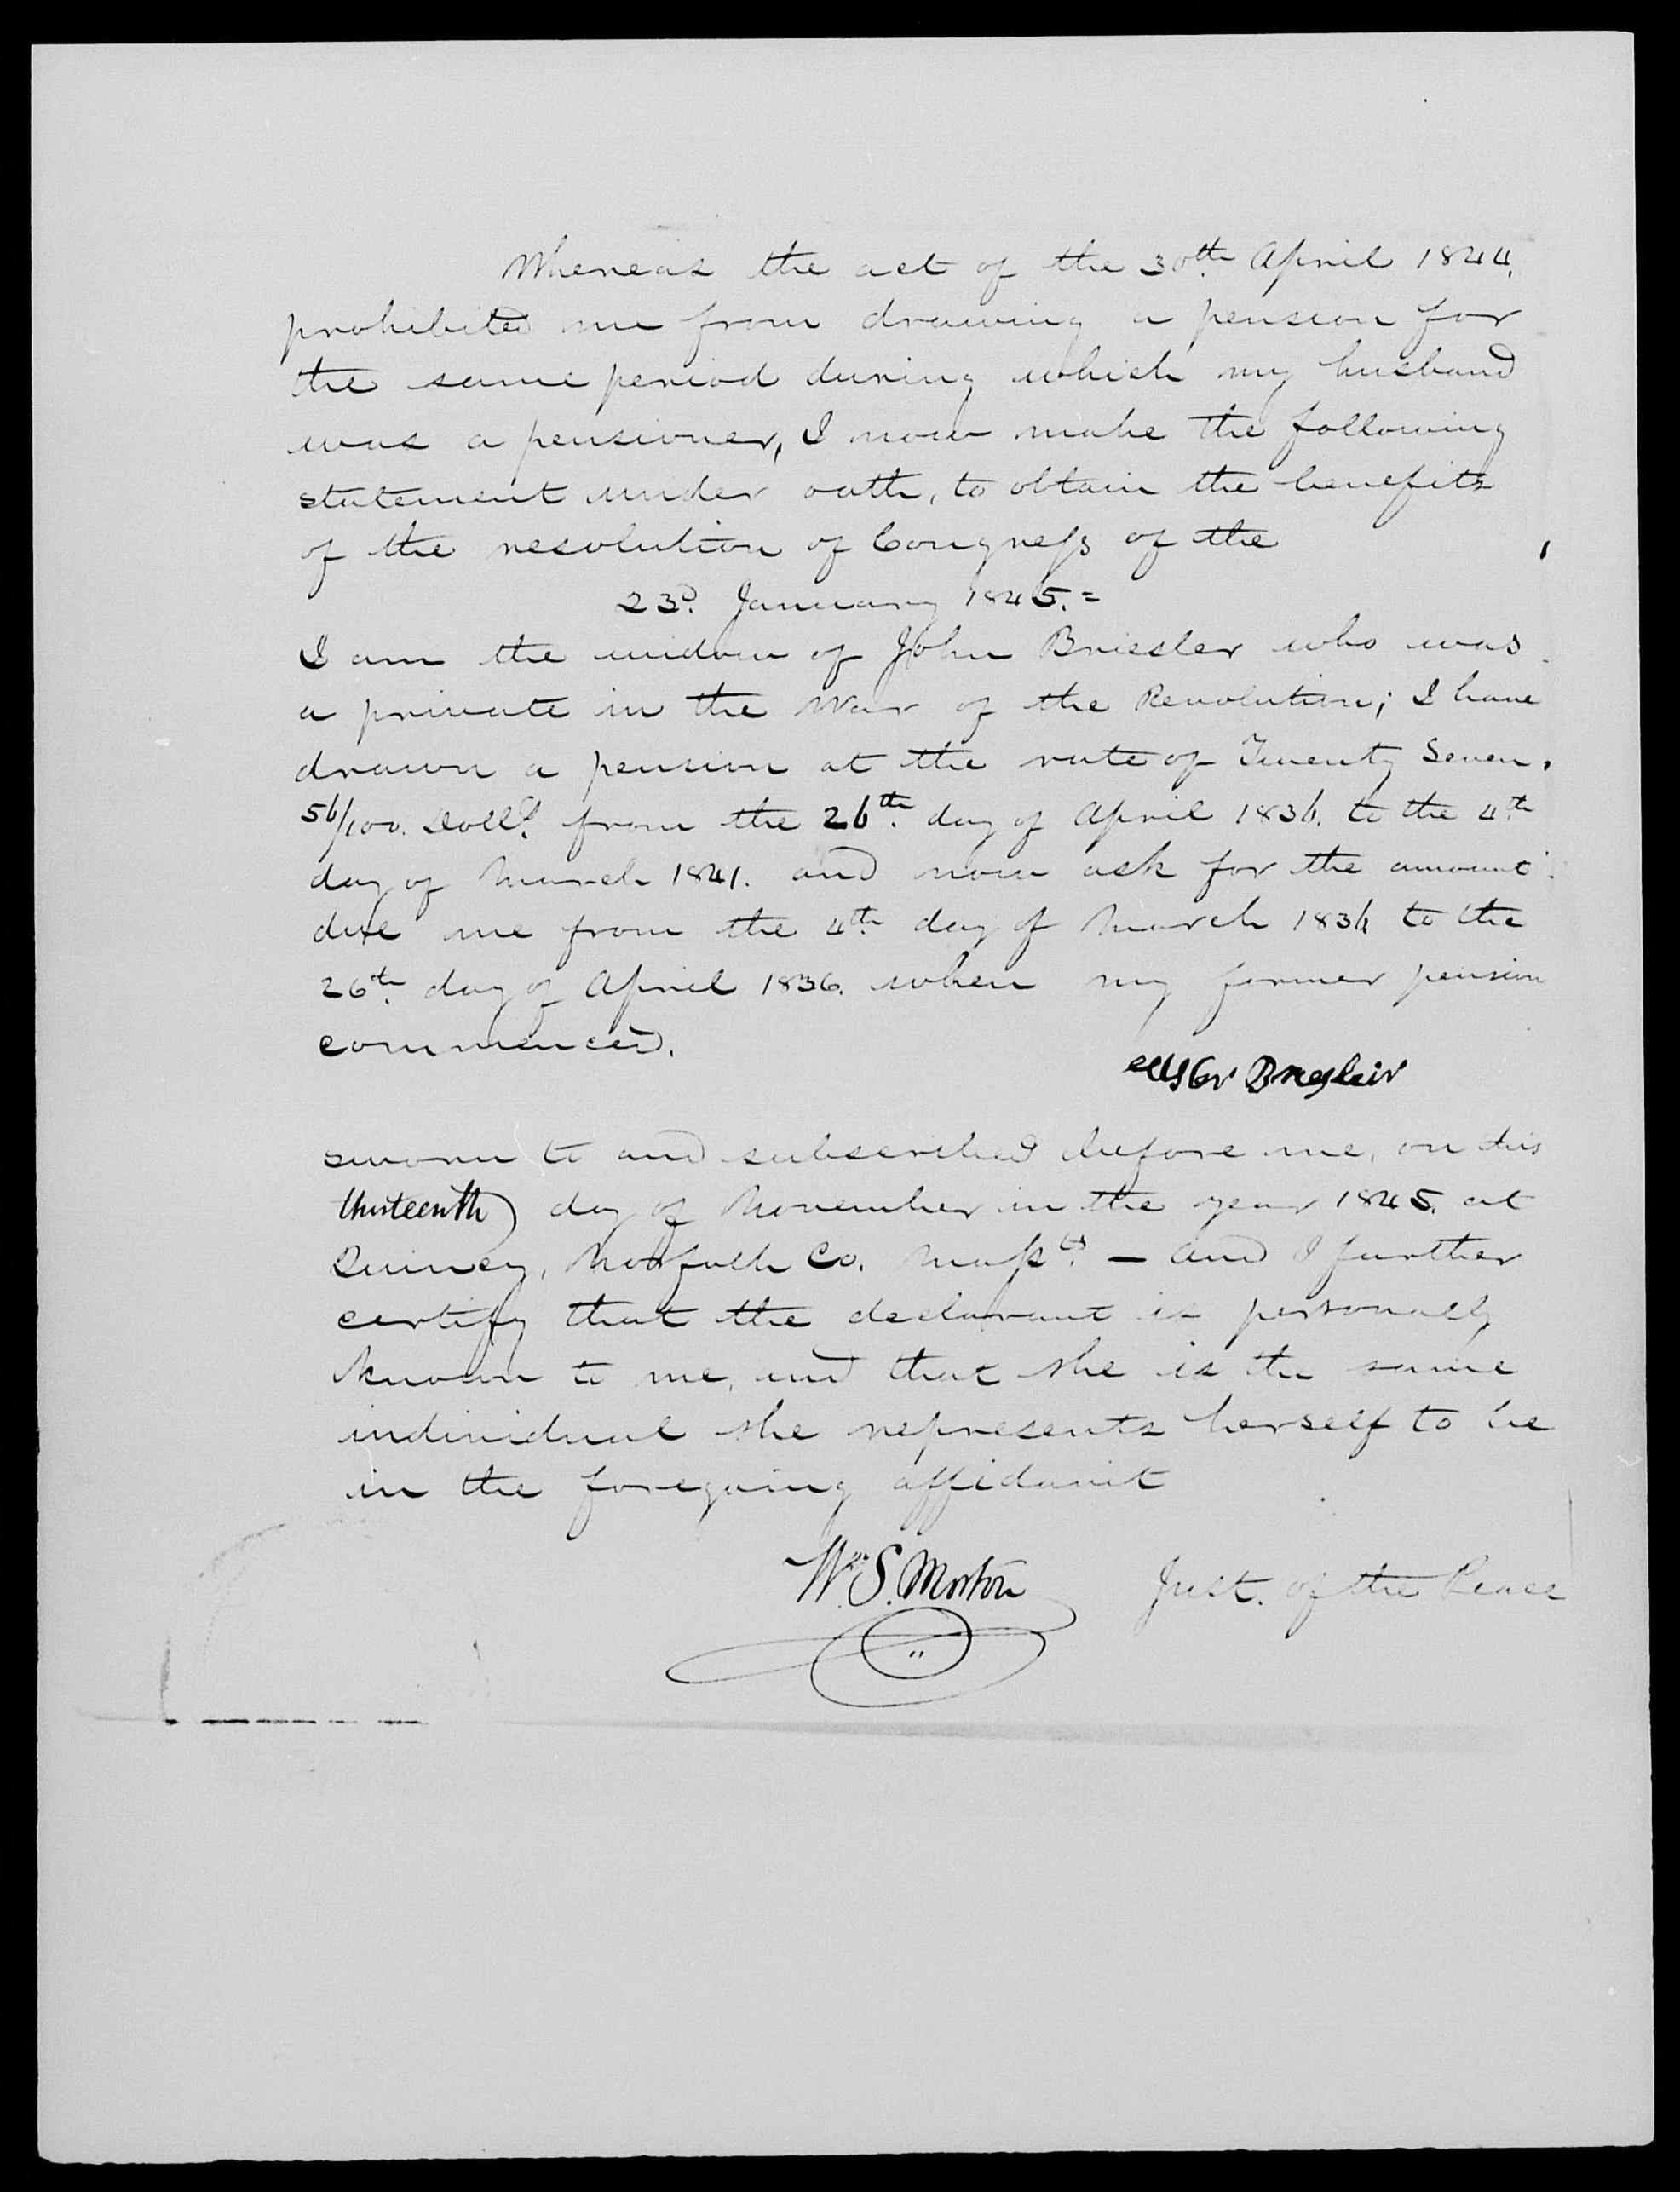Whereas the act of the 30th April 1844
prohibited me from drawing a pension for
the same period during which my husband
was a pensioner, I now make the following
statement under oath, to obtain the benefits
of the resolution of Congress of the
23d January 1845.
I am the widow of John Briesler who was a
private in the war of the Revolution; I have
drawn a pension at the rate of Twenty Seven
56/100 Dolls. from the 26th day of April 1836 to the 4thday of March 1841. and now ask for the amount due me from the 4th day of March 1836 to the 26th day of April 1836 when my former pension commenced.  Esther Briesler

Sworn to and subscribed before me, on this
thirteenth day of November in the year 1845 at
Quincy, Norfolk Co. Mass. -  and I further
certify that the declarant is personally
known to me, and that she is the same
individual she represents herself to be in the foregoing affidavit
Wm S. Morton 
Just. of the Peace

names: W S Morton, Easter Bresber, John Briesler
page: 36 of 46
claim: widow's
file: W. 23,673, John Brisler, Mass.